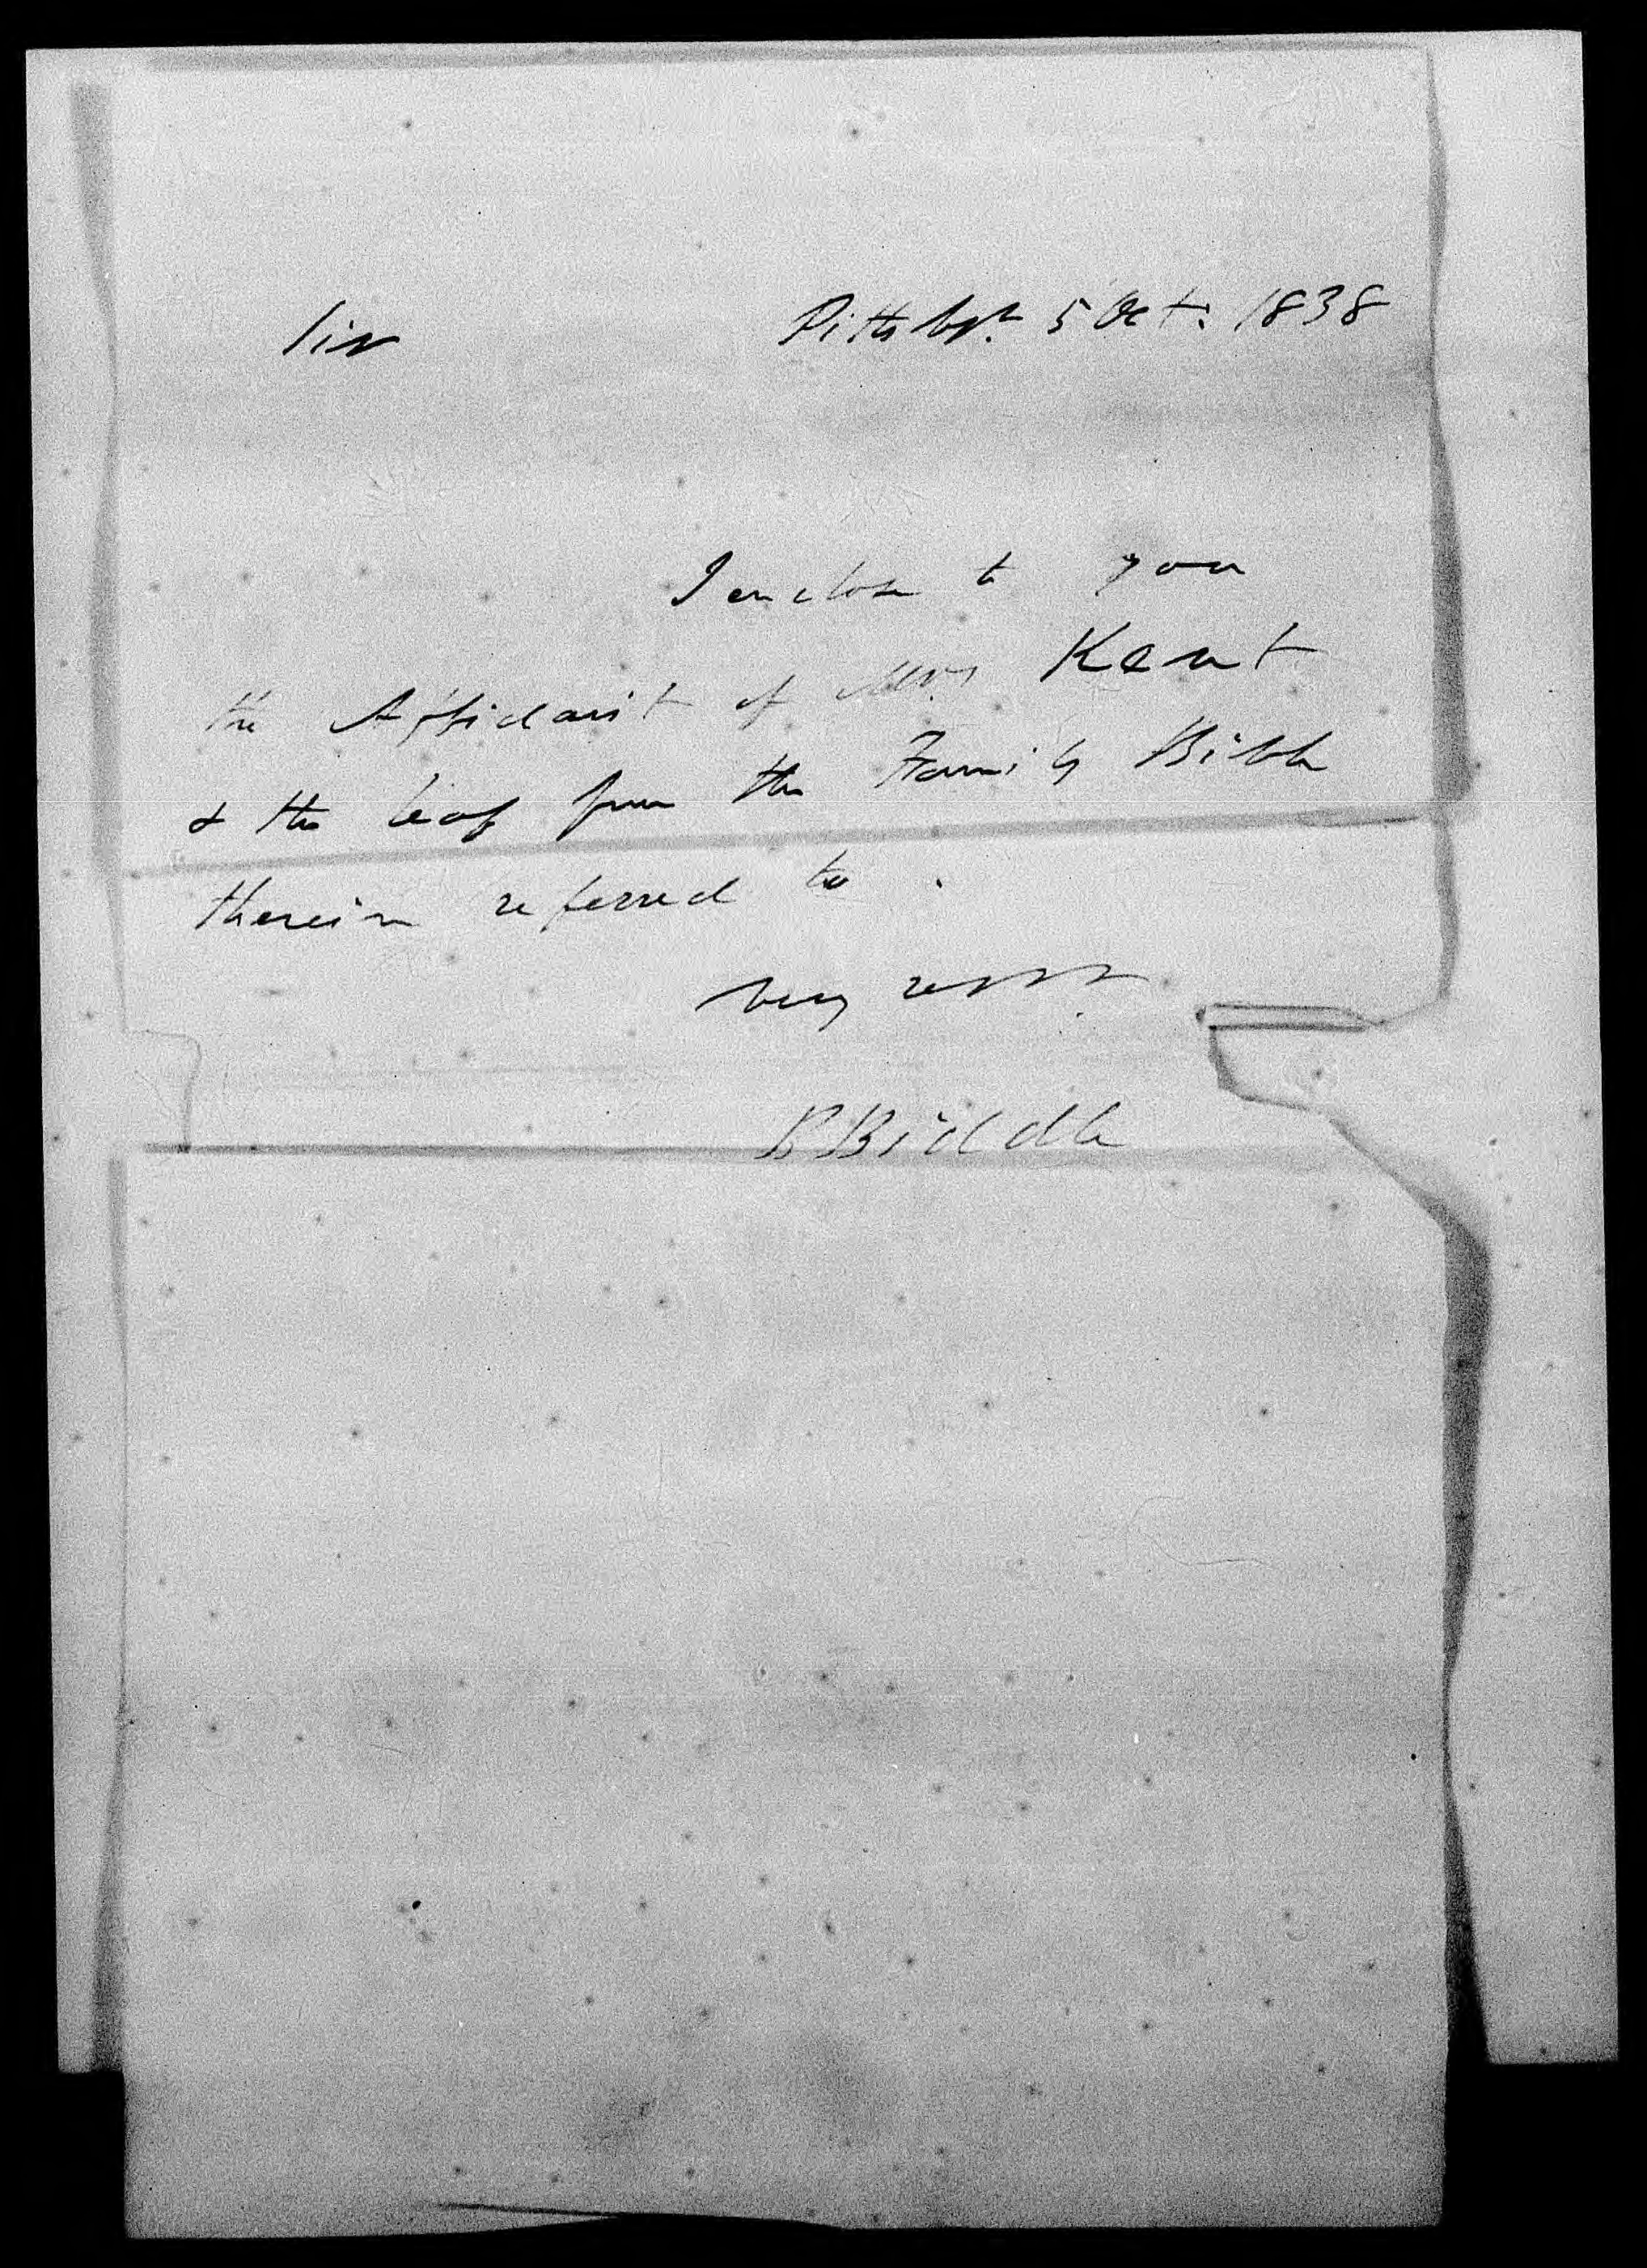Pittsbgr. 5 Oct. 1838

Sir

I enclose to you the Affidavit of Mary Kent & the leaf from the Family Bible therein referred to
very [illegible]
R Biddle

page: 32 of 50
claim: widow's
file: W. 4253, for John Kent, Vermont